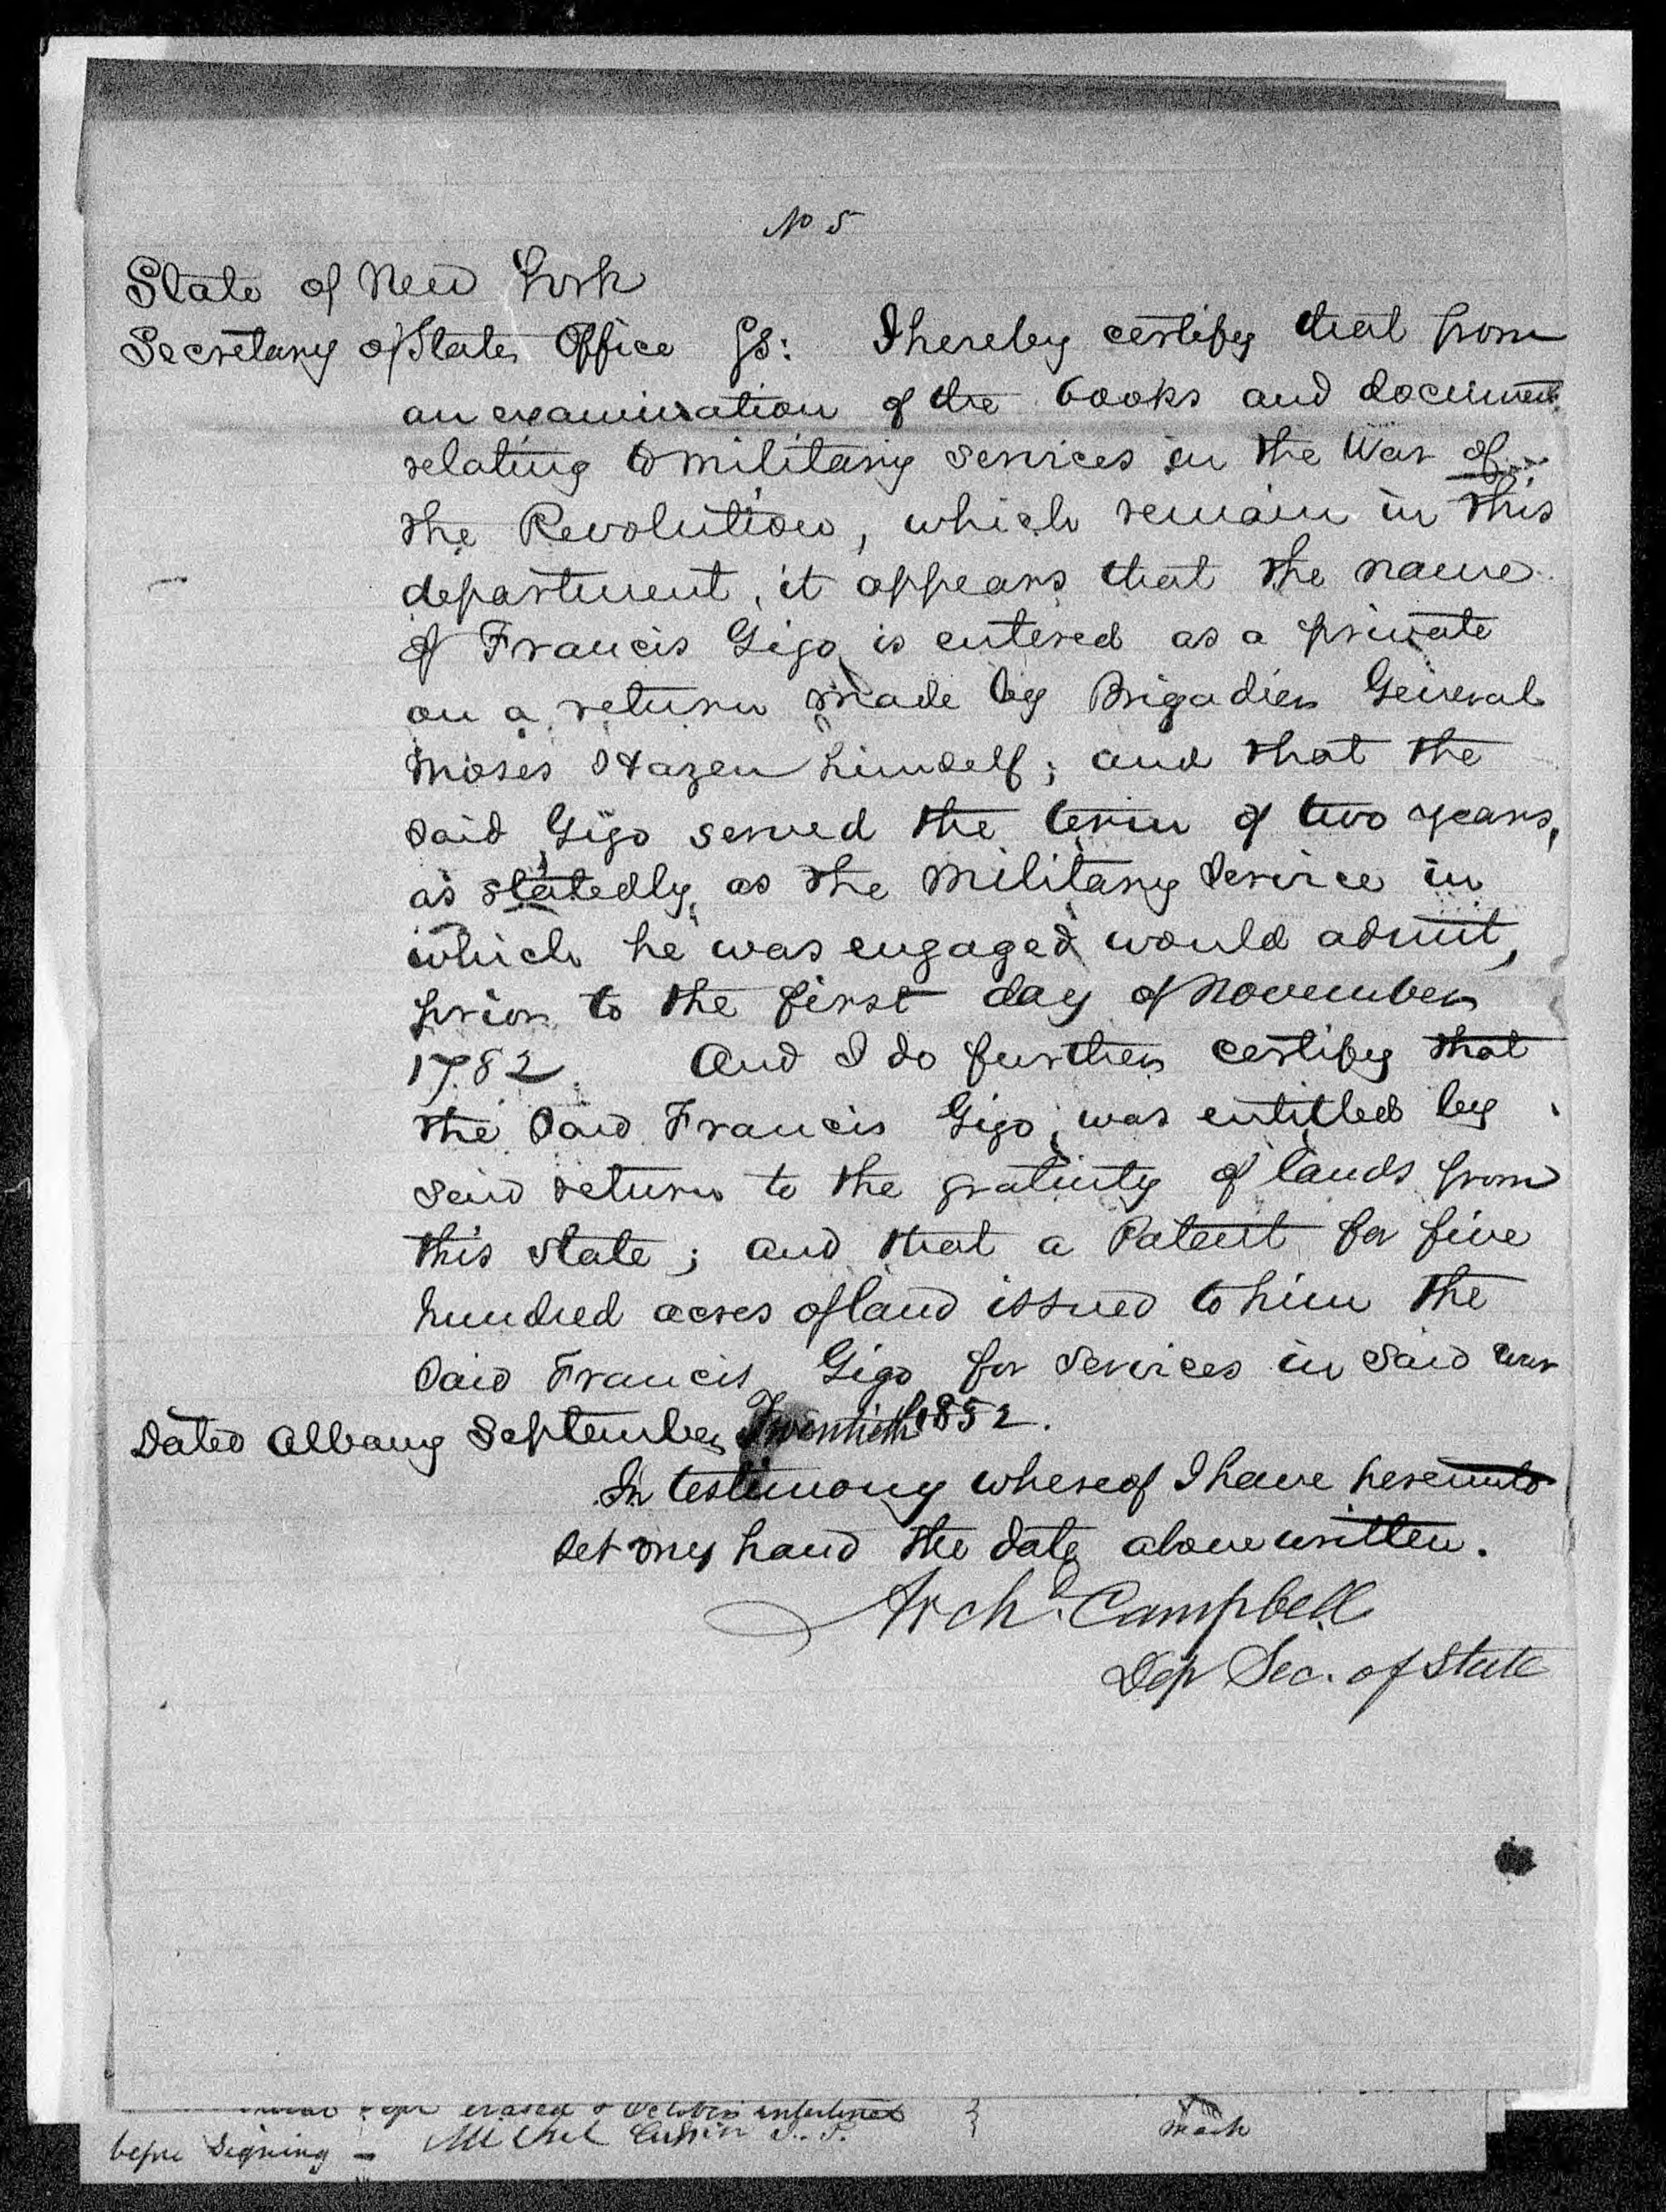No. 5
State of New York
Secretary of State Office ss: 
I hereby certify that from an examination of the books and documents relating to military services in the War of the Revolution, which remain in this department, it appears that the name of Francis Gigo is entered as a private a veturn as made by Brigadier General Moses Hazen himself, and that the said Gigo served the term of two years, as statedly, as the military service in which he was engaged would admit, prior to the first day of November, 1782.
And I do further certify that the said Francis Gigo was entitled by said returns to the gratuity of lands from this state, and that a patent for five hundred acres of land issued to him the said Francis Gigo for services in said war
Dated Albany  September Twentieth 1852
In testimony whereof I have hereunto set my hand the date above written.
Arch Campbell
Dep Sec of State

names: Francis Gigo, Archd Campbell, Moses Hazen, Francis Gigo, Michel Lussier, Gigo, Francis Gigo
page: 43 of 98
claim: widow's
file: W. 21182, Francis Gigo, Continental (Canadian)